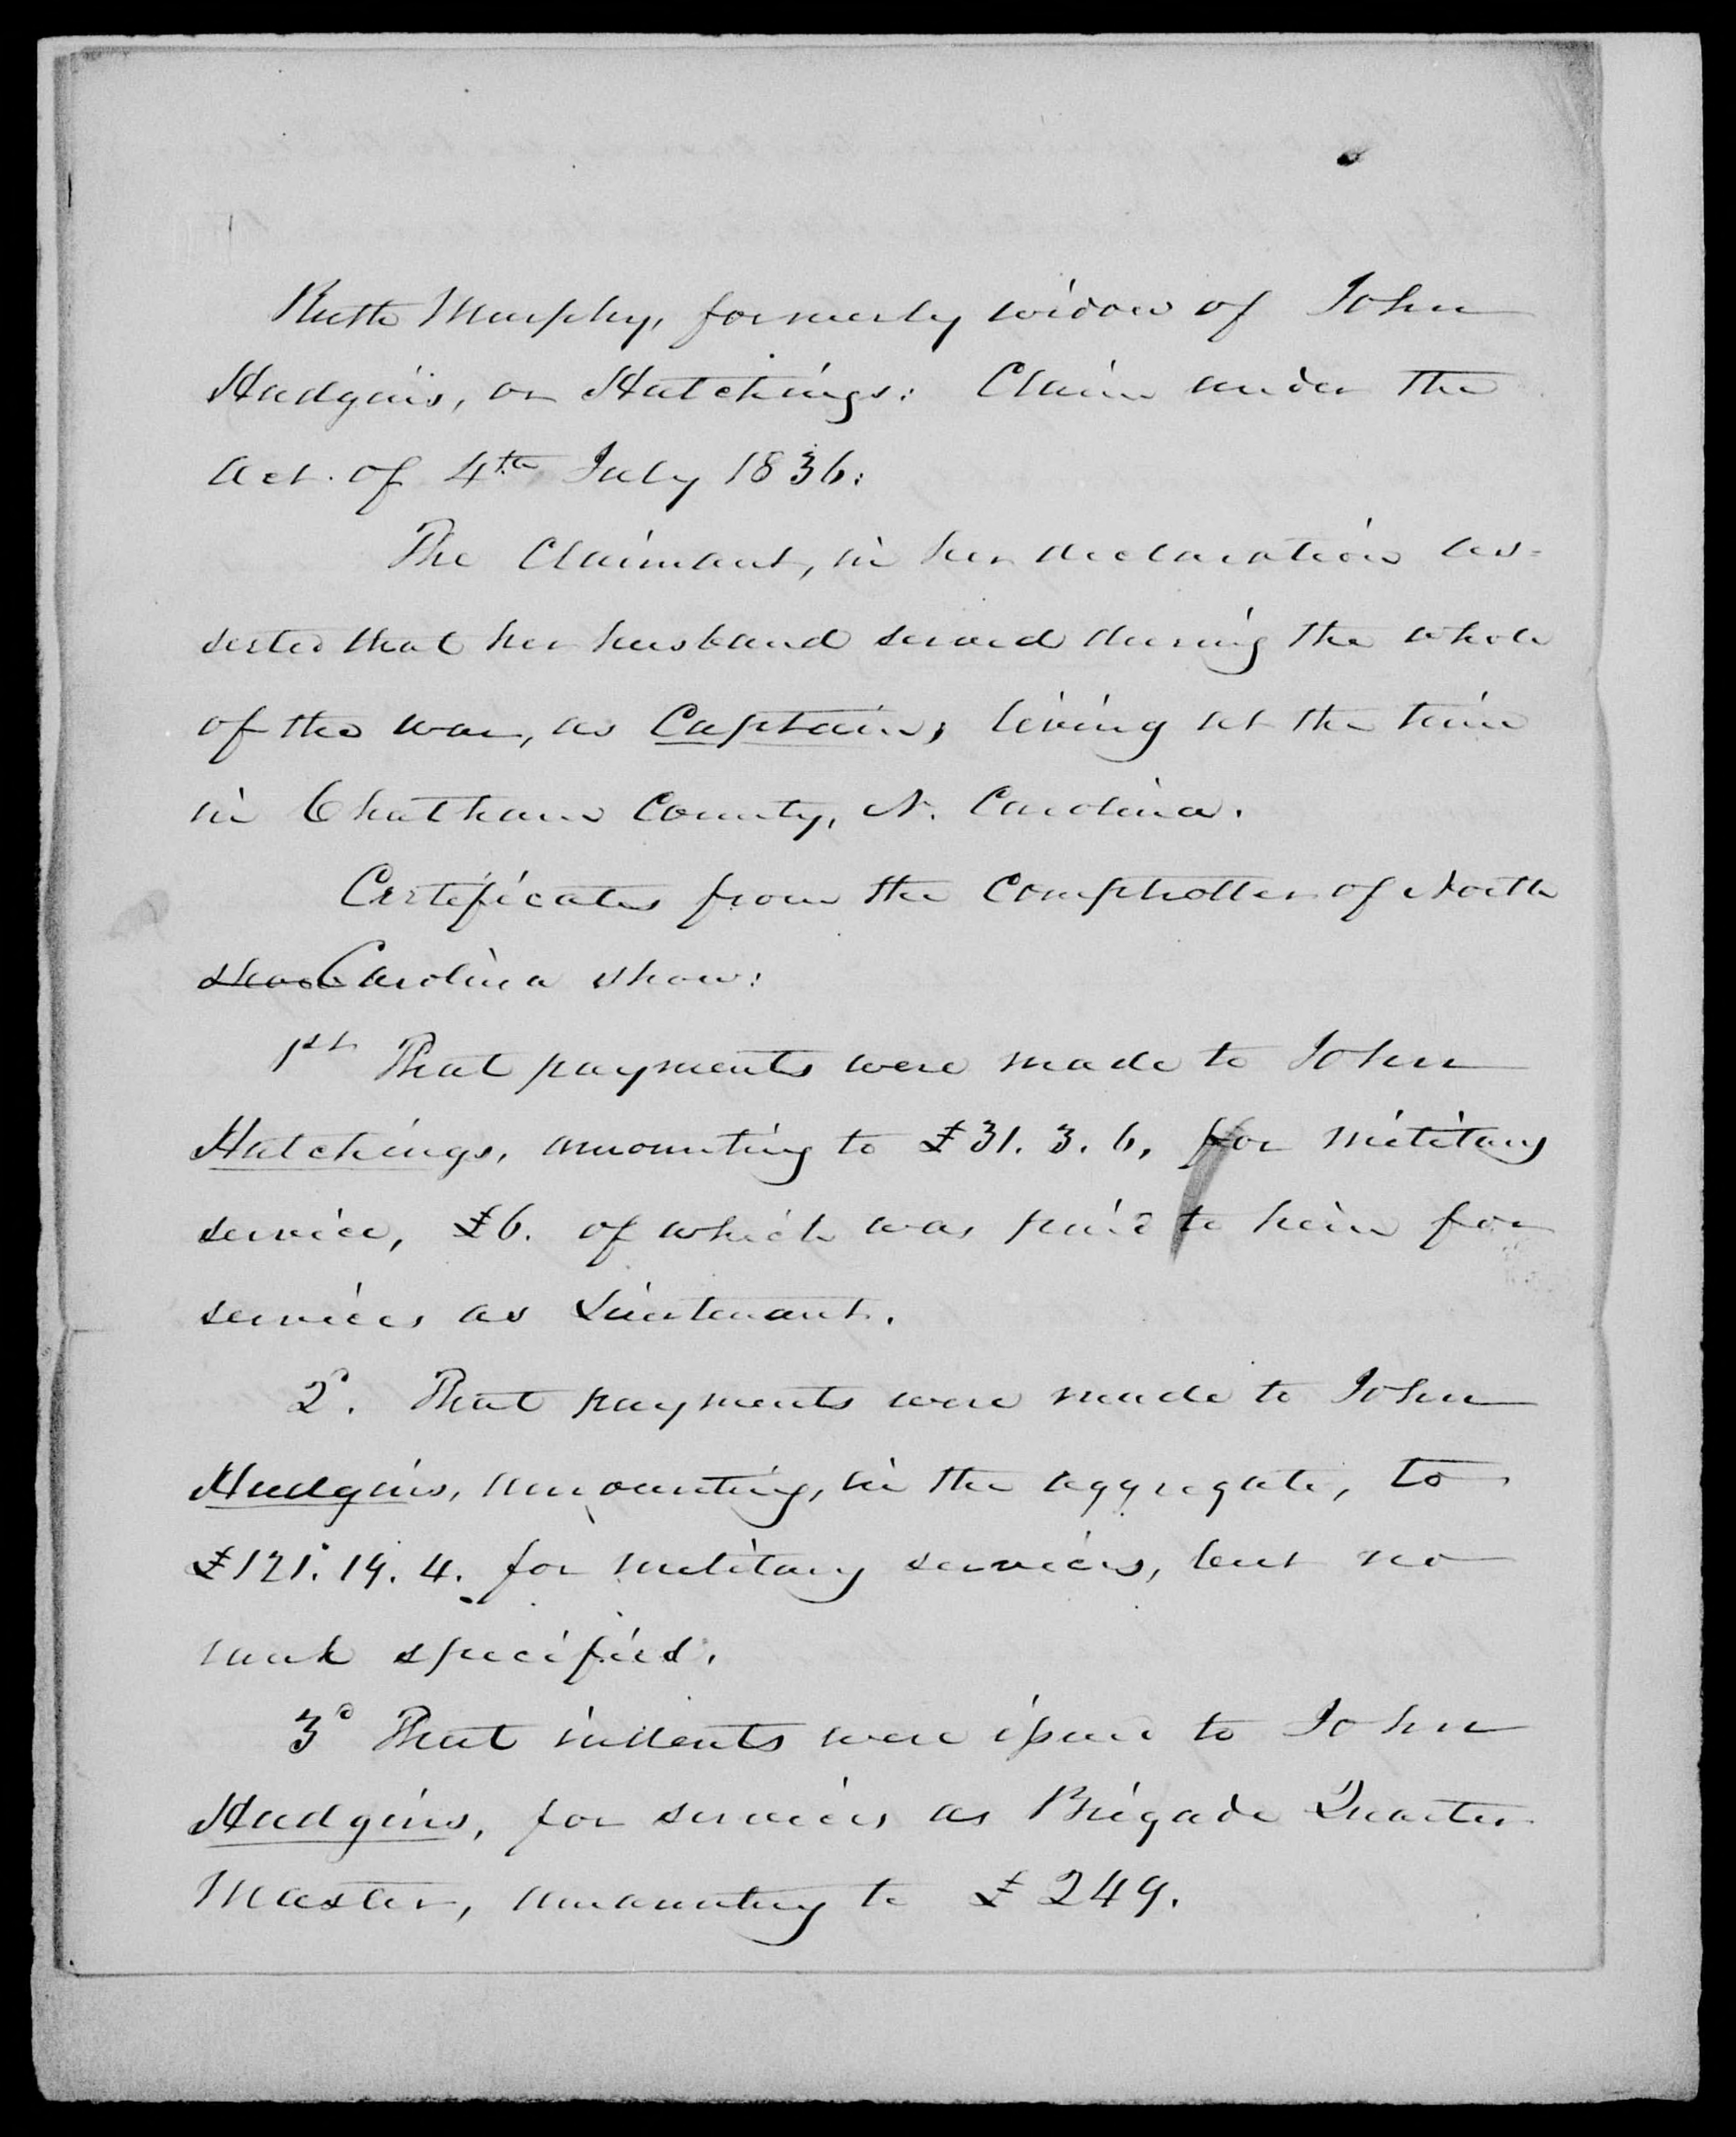Ruth Murphy, formerly widow of the John Hudgins or Hutchings claim under the Act of 4th July 1836.
     The claimant, in her declaration asserted that her husband served during the whole of the war, as Captain, living at the time in Chatham County N. Carolina.
     Certificate from the comptroller of North Carolina show:
     1st that payments were made to John Hutchings (underlined), amounting to L31.3.6 for military service, L6.00 of which was paid to him for services as Lieutenant.
     2nd. That payments were made to John Hudgins (underlined), amounting in the aggregate, to L121.19.4 for military services but no work specified.
     3rd. That (not legible) were issued to John Hudgins (underlined) for service as Brigade Quarter Master amounting to L249.00

*Please note the amounts given I used the capital “L” without the two lines showing in the document through the stem of the L. It was either Pounds or Lira, but I was unable to add the horizontal two lines across the vertical part of the L.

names: John Hutchings, Ruth Murphy, John Hudgins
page: 90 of 108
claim: rejected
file: R. 7,515, John Hudgins, N.C.